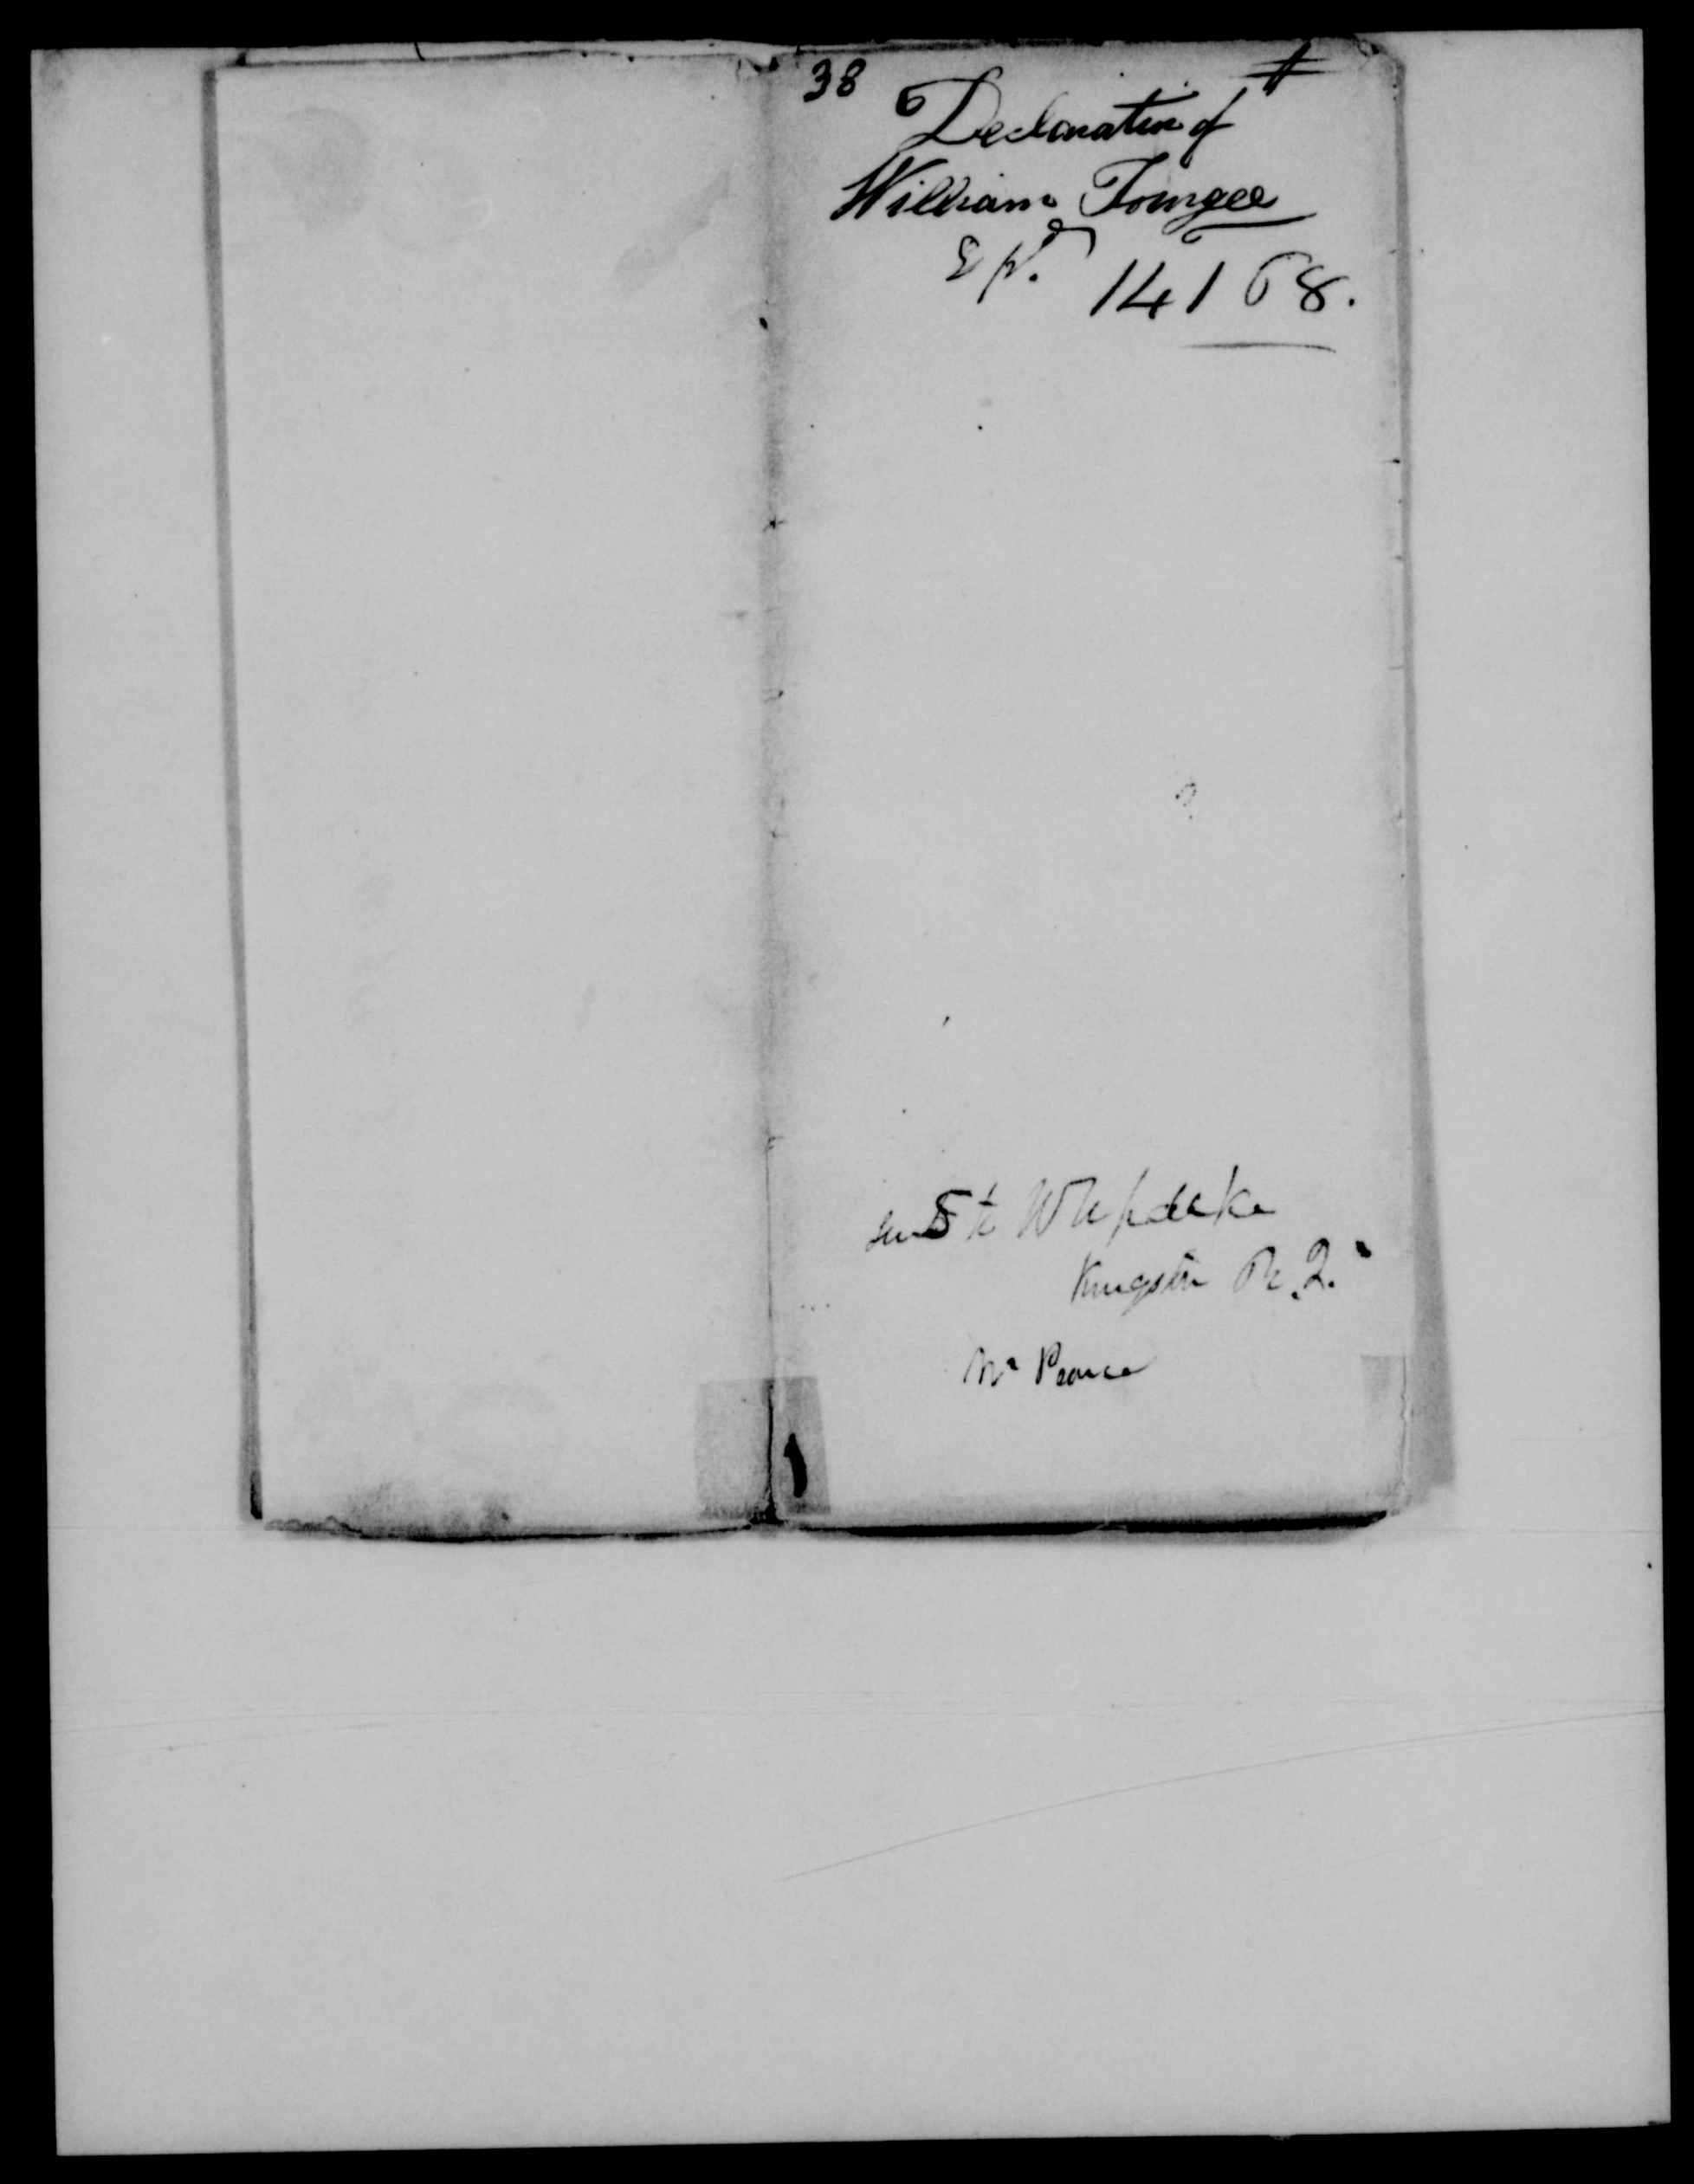3B
Declaration of
William Tourgee
[illegible] 14168.

Sent to W Updeke
Kingston R. I.
[illegible] Peace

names: William Tourgee, W Updeke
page: 5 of 21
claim: survivor's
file: S. 21537, William Tourgee, R.I.